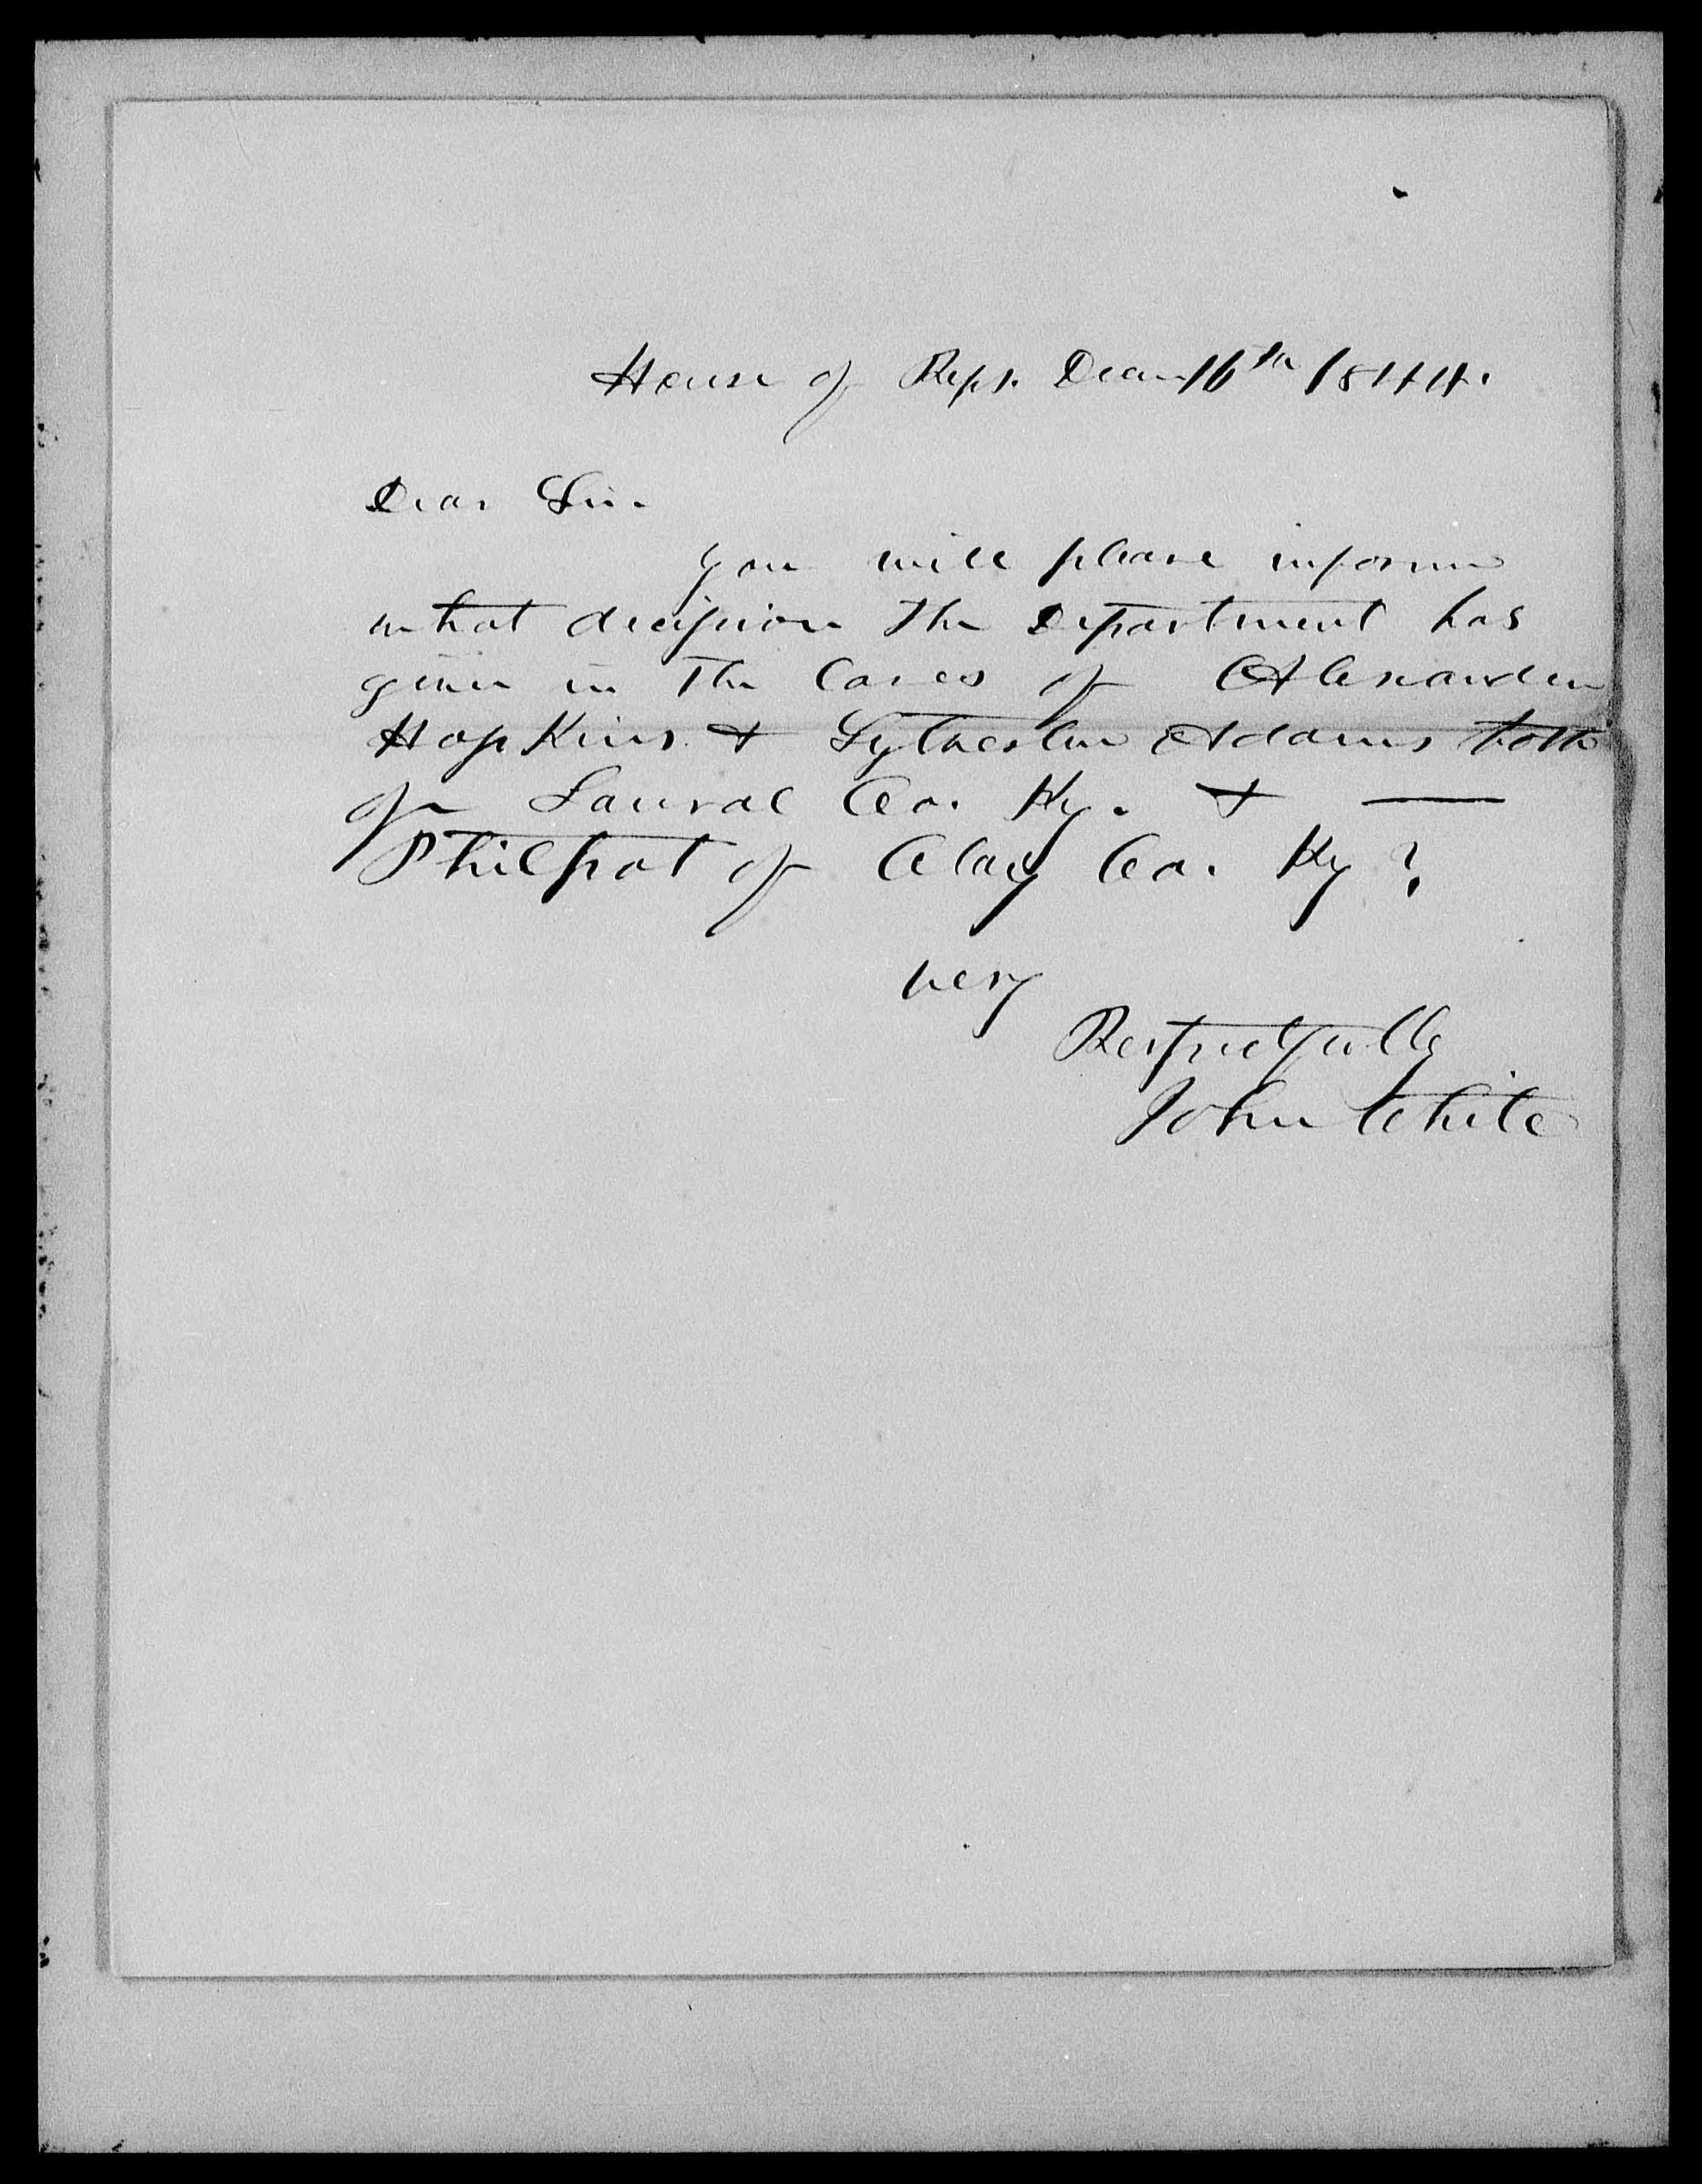House of Reps Dec 16th 1844
Dear Sir
you will please inform
what decision the Department has
given in the cases of
Alexander Hopkins & Sylvester Adams both of Laurel Co Ky
& Philpot of Clay Co. Ky
very
Respectfully
John White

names: John White; Sylvester Adams; [BLANK] Philpot; Alexander Hopkins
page: 22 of 43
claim: rejected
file: R. 8217, for Thomas Philpot, South Carolina